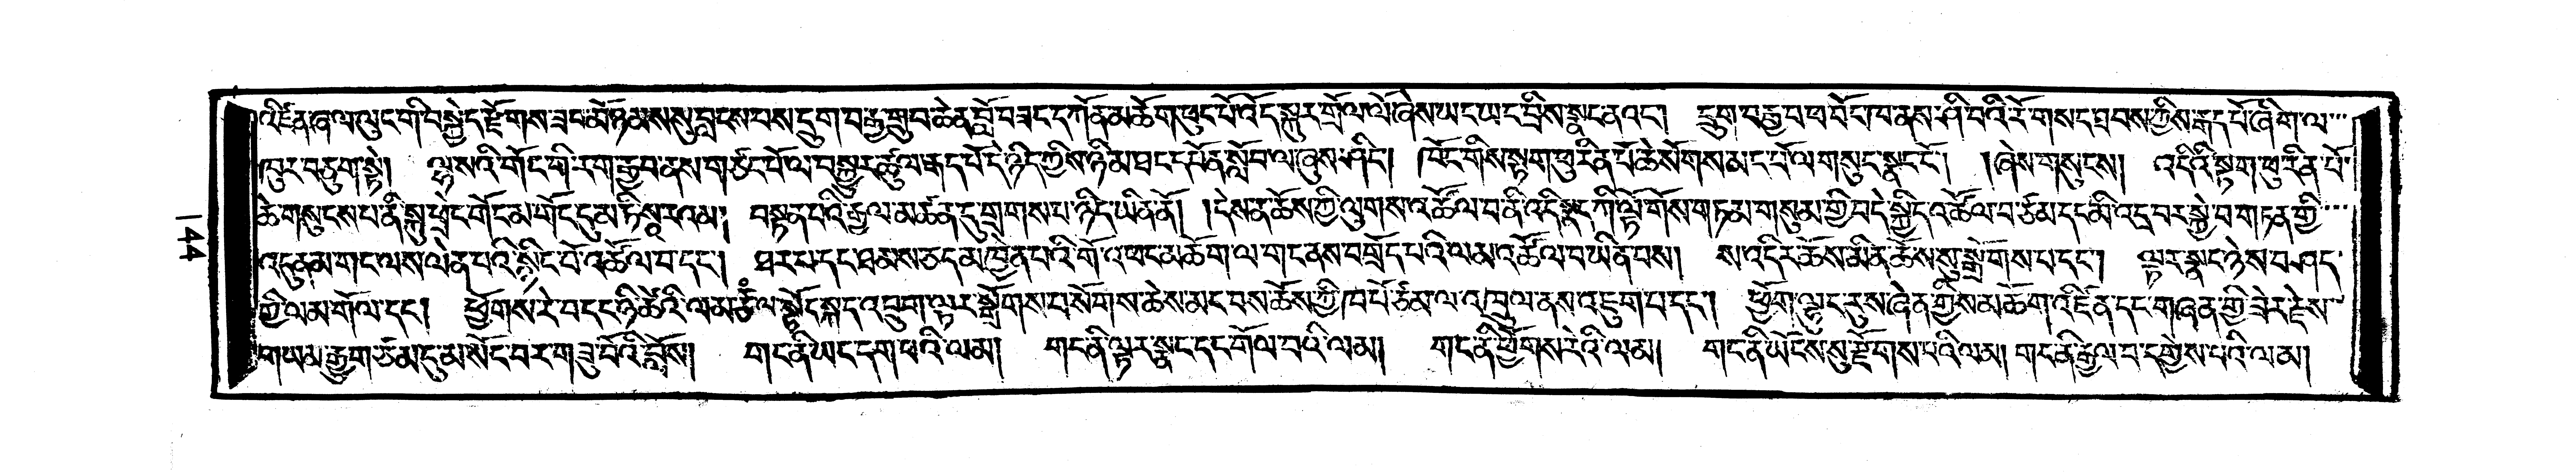འཛིན་ཞལ་ལུང་གི་བསྐྱེད་རྫོགས་ཟབ་མོ་ཉམས་སུ་བླངས་པས་དྲུག་བརྒྱ་གྲུབ་ཆེན་བློ་བཟང་དཀོན་མཆོག་ཕུང་པོ་འོད་སྐུར་གྲོལ་ལོ་ཞེས་ཡང་ཡང་བྲིས་སྣང་ནའང་། དྲུག་བརྒྱ་པ་ཕ་བོབ་པ་ནས་ཤི་བའི་རོ་གསང་ཐབས་ཀྱིས་རྒད་པོ་ཞིག་ལ་
ཁུར་བཅུག་སྟེ། ལྷ་སའི་གོང་གི་རག་རྒྱབ་ནས་གཙང་པོ་ལ་བསྐྱུར་ཚུལ་རྒད་པོ་དེ་ཉིད་ཀྱིས་ཉི་མ་ཐང་དཔོན་སློབ་ལ་ཞུས་ཤིང་། ཁོང་གིས་སྟག་ཕུ་རིན་པོ་ཆེ་སོགས་མང་པོ་ལ་གསུང་སྣང་ངོ། །ཞེས་གསུངས། འདིའི་སྟག་ཕུ་རིན་པོ་
ཆེ་གསུངས་པ་ནི་སྐུ་ཕྲེང་གོང་མ་གོང་དུ་མེ་ཏི་སཱརའམ། བསྟན་པའི་རྒྱལ་མཚན་དུ་གྲགས་པ་ཉིད་ཡིན་ནོ། །དེས་ན་ཆོས་ཀྱི་ལུགས་འཚོལ་བ་ནི་འདི་སྣང་གི་ལྟོ་གོས་གཏམ་གསུམ་གྱི་བདེ་སྐྱིད་འཚོལ་བ་ཙམ་དང་མི་འདྲ་བར་སྐྱེ་བ་གཏན་གྱི་
འདུན་མ་གང་ལས་ལེན་པའི་སྙིང་པོ་འཚོལ་བ་དང་། ཐར་བ་དང་ཐམས་ཅད་མཁྱེན་པའི་གོ་འཕང་མཆོག་ལ་གང་ནས་བགྲོད་པའི་ལམ་འཚོལ་བ་ཡིན་པས། ས་འདིར་ཆོས་མིན་ཆོས་སུ་སྒྲོགས་པ་དང་། ལྟར་སྣང་ཉེས་བཤད་
ཀྱི་ལམ་གོལ་དང་། ཕྱོགས་རེ་བ་དང་ཉི་ཚེའི་ལམ་ཙམ་ལ་སྟོང་སྐད་འབྲུག་ལྟར་སྒྲོགས་པ་སོགས་ཆེས་མང་བ་ཆོས་ཀྱི་ཁ་ཕོ་ཙམ་ལ་འཁྲུལ་ནས་འཇུག་པ་དང་། ཕྱོགས་ལྷུང་རུས་ཞེན་གྱིས་མཆོག་འཛིན་དང་གཞན་གྱི་ཟེར་རྗེས་
གལ་མ་རྒྱུག་ཙམ་དུ་མ་སོང་བར་གཟུ་བོའི་བློས། གང་ནི་ཡང་དག་པའི་ལམ། གང་ནི་ལྟར་སྣང་དང་གོལ་བའི་ལམ། གང་ནི་ཕྱོགས་རེའི་ལམ། གང་ནི་ཡོངས་སུ་རྫོགས་པའི་ལམ། གང་ནི་རྒྱལ་བ་དགྱེས་པའི་ལམ།